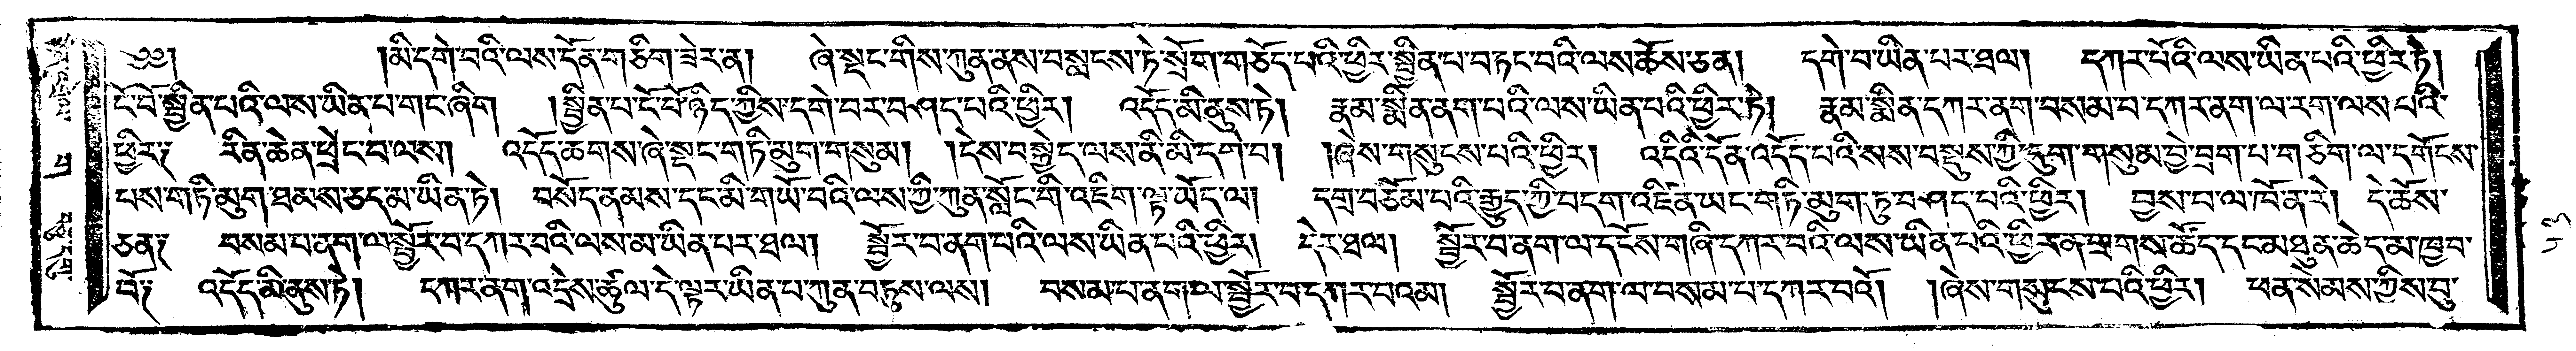༄༅། །མི་དགེ་བའི་ལས་དོན་གཅིག་ཟེར་ན། ཞེ་སྡང་གིས་ཀུན་ནས་བསླངས་ཏེ་སྲོག་གཅོད་པའི་ཕྱིར་སྦྱིན་པ་བཏང་བའི་ལས་ཆོས་ཅན། དགེ་བ་ཡིན་པར་ཐལ། དཀར་པོའི་ལས་ཡིན་པའི་ཕྱིར་ཏེ།
ངོ་བོ་སྦྱིན་པའི་ལས་ཡིན་པ་གང་ཞིག །སྦྱིན་པ་ངོ་བོ་ཉིད་ཀྱིས་དགེ་བར་བཤད་པའི་ཕྱིར། འདོད་མི་ནུས་ཏེ། རྣམ་སྨིན་ནག་པའི་ལས་ཡིན་བའི་ཕྱིར་ཏེ། རྣམ་སྨིན་དཀར་ནག་བསམ་པ་དཀར་ནག་ལ་རག་ལས་པའི་
ཕྱིར༑ རིན་ཆེན་ཕྲེང་བ་ལས། འདོད་ཆགས་ཞེ་སྡང་གཏི་མུག་གསུམ། །དེས་བསྐྱེད་ལས་ནི་མི་དགེ་བ། །ཞེས་གསུངས་པའི་ཕྱིར། འདིའི་དོན་འདོད་པའི་སས་བསྡུས་ཀྱི་དུག་གསུམ་བྱེ་བྲག་པ་གཅིག་ལ་དགོངས་
པས་གཏི་མུག་ཐམས་ཅད་མ་ཡིན་ཏེ། བསོད་ནམས་དང་མི་གཡོ་བའི་ལས་ཀྱི་ཀུན་སློང་གི་འཇིག་ལྟ་ཡོད་ལ། དགྲ་བཅོམ་པའི་རྒྱུད་ཀྱི་བདག་འཛིན་ཡང་གཏི་མུག་ཏུ་བཤད་པའི་ཕྱིར། བྱས་པ་ལ་ཁོ་ན་རེ། དེ་ཆོས་
ཅན༑ བསམ་བ་ནག་ལ་སྦྱོར་བ་དཀར་པའི་ལས་མ་ཡིན་པར་ཐལ། སྦྱོར་བ་ནག་པའི་ལས་ཡིན་པའི་ཕྱིར། དེར་ཐལ། སྦྱོར་བ་ནག་ལ་དངོས་གཞི་དཀར་བའི་ལས་ཡིན་པའི་ཕྱིར་ན་གྲགས་ཚོད་དང་མཐུན་ཆེད་མ་ཁྱབ་
བོ༑ འདོད་མི་ནུས་ཏེ། དཀར་ནག་འདྲེས་ཚུལ་དེ་ལྟར་ཡིན་པ་ཀུན་བཏུས་ལས། བསམ་པ་ནག་ལ་སྦྱོར་བ་དཀར་བའམ། སྦྱོར་བ་ནག་ལ་བསམ་པ་དཀར་བའོ། །ཞེས་གསུངས་པའི་ཕྱིར། ཕན་སེམས་ཀྱིས་བུ་